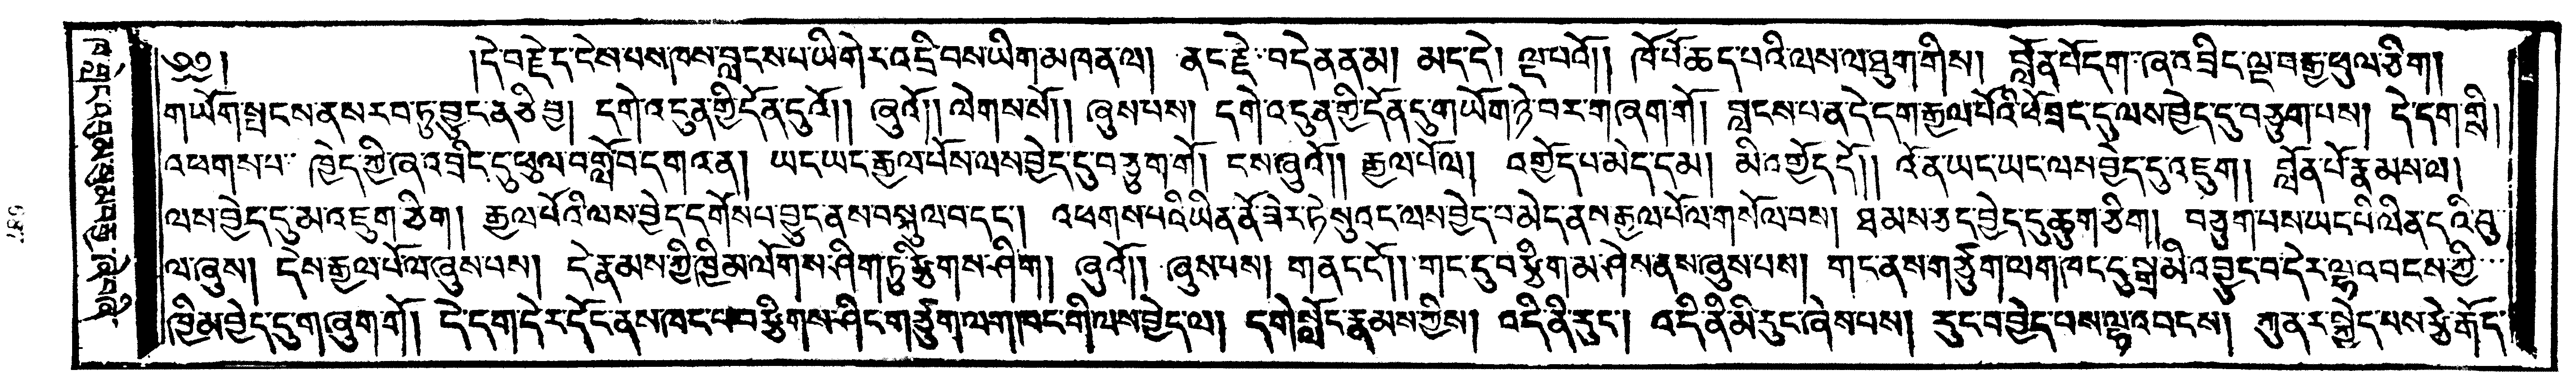༄༅། །དེ་བརྗེད་ངེས་པས་ཁས་བླངས་པ་ཡི་གེར་འདྲི་བས་ཡིག་མཁན་ལ། ནང་རྗེ༑ བདེན་ན་མ། མད་དེ། ལྔ་པའོ།། ཁོ་པོ་ཆད་པའི་ལས་ལ་ཐུག་གིས། བློན་པོ་དག༑ ཞ་འབྲིང་ལྔ་བརྒྱ་ཕུལ་ཅིག།
གཡོག་སྤངས་ནས་རབ་ཏུ་བྱུང་ན་ཅི་བྱ། དགེ་འདུན་གྱི་དོན་དུའོ།། ཞུའོ།། ལེགས་སོ།། ཞུས་པས། དགེ་འདུན་གྱི་དོན་དུ་གཡོག་ཉེ་བར་གཞག་གོ། བླངས་པ་ན་དེ་དག་རྒྱལ་པོའི་ཕོ་བྲང་དུ་ལས་བྱེད་དུ་བཅུག་པས། དེ་དག་གིས།
འཕགས་པ༑ ཁྱེད་ཀྱི་ཞ་འབྲིང་དུ་ཕུལ་བགློ་བ་དགའ་ན། ཡང་ཡང་རྒྱལ་པོས་ལས་བྱེད་དུ་བཅུག་གོ། ངས་ཞུའོ།། རྒྱལ་པོ་ལ། འགྱོད་པ་མེད་དམ། མི་འགྱོད་དོ།། འོ་ན་ཡང་ཡང་ལས་བྱེད་དུ་འཇུག། བློན་པོ་རྣམས་ལ།
ལས་བྱེད་དུ་མ་འཇུག་ཅིག། རྒྱལ་པོའི་ལས་བྱེད་དགོས་པ་བྱུང་ནས་བསྐུལ་བ་དང་། འཕགས་པའི་ཡིན་ནོ་ཟེར་ཏེ་སུའང་ལས་བྱེད་པ་མེད་ནས་རྒྱལ་པོ་ལ་གསོལ་བས། ཐམས་ཅད་བྱེད་དུ་ཆུག་ཅིག། བཅུག་པས་ཡང་པི་ལིན་དའི་བུ་
ལ་ཞུས། དེས་རྒྱལ་པོ་ལ་ཞུས་པས། དེ་རྣམས་ཀྱི་ཁྱིམ་ལོགས་ཤིག་ཏུ་རྩིགས་ཤིག། ཞུའོ།། ཞུས་པས། གནང་ངོ།། གནང་དུ་བརྩིག་མ་ཤེས་ནས་ཞུས་པས། གང་ནས་གཙུག་ལག་ཁང་དུ་སྒྲ་མི་འབྱུང་བ་དེར་ལྷ་འབངས་ཀྱི་
ཁྱིམ་བྱེད་དུ་གཞུག་གོ། དེ་དག་དེར་དོང་ནས་ཁང་པ་བརྩིགས་ཤིང་གཙུག་ལག་ཁང་གི་ལས་བྱེད་པ། དགེ་སློང་རྣམས་ཀྱིས། འདི་ནི་མི་རུང་ཞེས་པས། རུང་བ་བྱེད་པས་ལྷ་འབངས། ཀུན་ར་སྐྱེད་པས་རྩེ་རྒོད་